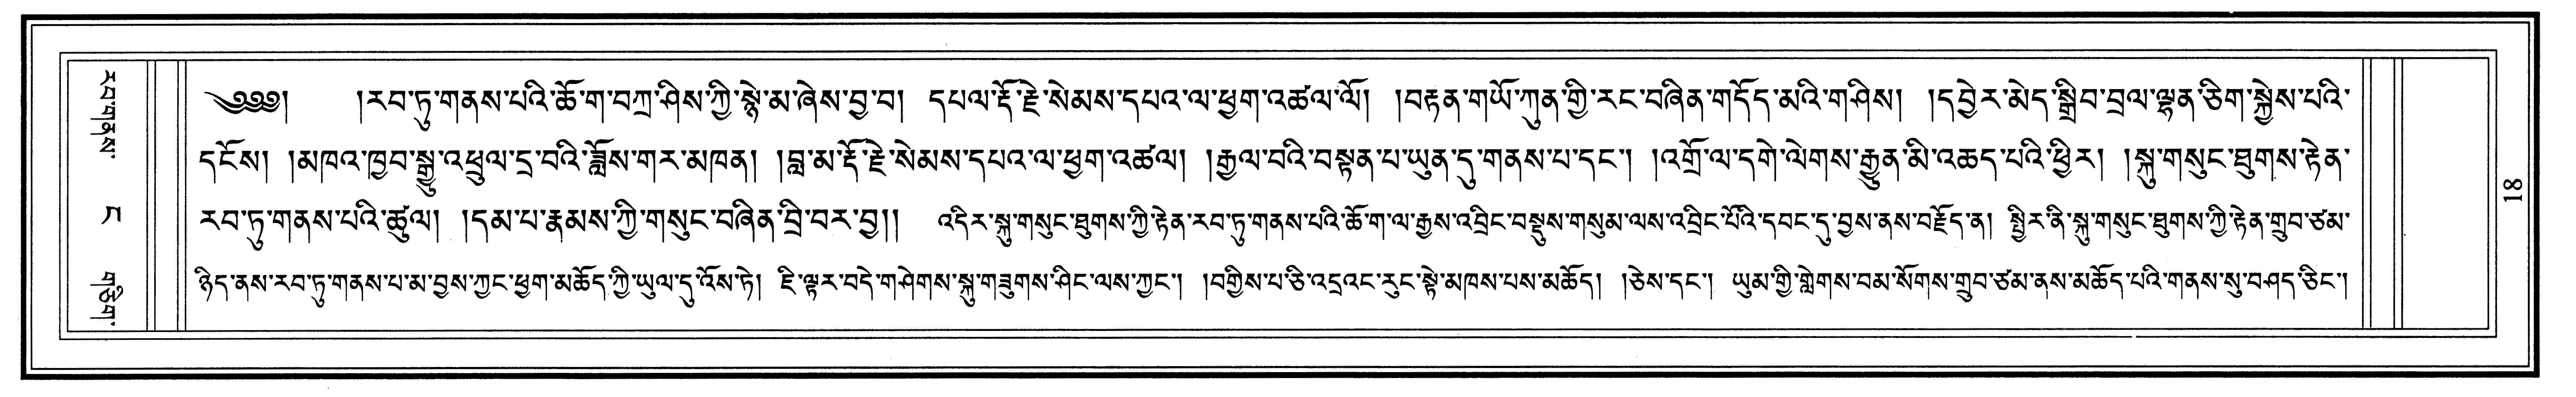༄༅༅། །རབ་ཏུ་གནས་པའི་ཆོ་ག་བཀྲ་ཤིས་ཀྱི་སྙེ་མ་ཞེས་བྱ་བ། དཔལ་རྡོ་རྗེ་སེམས་དཔའ་ལ་ཕྱག་འཚལ་ལོ། །བརྟན་གཡོ་ཀུན་གྱི་རང་བཞིན་གདོད་མའི་གཤིས། །དབྱེར་མེད་སྒྲིབ་བྲལ་ལྷན་ཅིག་སྐྱེས་པའི་
དངོས། །མཁའ་ཁྱབ་སྒྱུ་འཕྲུལ་དྲ་བའི་ཟློས་གར་མཁན། །བླ་མ་རྡོ་རྗེ་སེམས་དཔའ་ལ་ཕྱག་འཚལ། །རྒྱལ་བའི་བསྟན་པ་ཡུན་དུ་གནས་པ་དང་། །འགྲོ་ལ་དགེ་ལེགས་རྒྱུན་མི་འཆད་པའི་ཕྱིར། །སྐུ་གསུང་ཐུགས་རྟེན་
རབ་ཏུ་གནས་པའི་ཚུལ། །དམ་པ་རྣམས་ཀྱི་གསུང་བཞིན་བྲི་བར་བྱ།། འདིར་སྐུ་གསུང་ཐུགས་ཀྱི་རྟེན་རབ་ཏུ་གནས་པའི་ཆོ་ག་ལ་རྒྱས་འབྲིང་བསྡུས་གསུམ་ལས་འབྲིང་པོའི་དབང་དུ་བྱས་ནས་བརྗོད་ན། སྤྱིར་ནི་སྐུ་གསུང་ཐུགས་ཀྱི་རྟེན་གྲུབ་ཙམ་
ཉིད་ནས་རབ་ཏུ་གནས་པ་མ་བྱས་ཀྱང་ཕྱག་མཆོད་ཀྱི་ཡུལ་དུ་འོས་ཏེ། ཇི་ལྟར་བདེ་གཤེགས་སྐུ་གཟུགས་ཤིང་ལས་ཀྱང་། །བགྱིས་པ་ཅི་འདྲའང་རུང་སྟེ་མཁས་པས་མཆོད། །ཅེས་དང་། ཡུམ་གྱི་གླེགས་བམ་སོགས་གྲུབ་ཙམ་ནས་མཆོད་པའི་གནས་སུ་བཤད་ཅིང་།